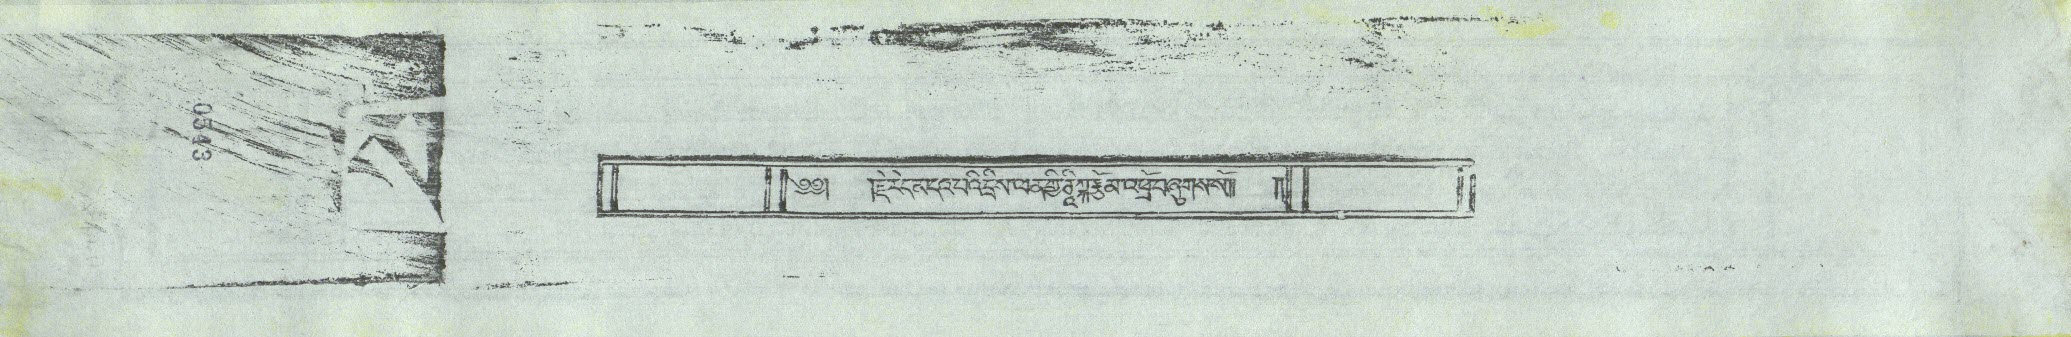༄༅། །རྗེ་རེད་མདའ་པའི་དྲིས་ལན་གྱི་ཊཱིཀྐ་རྩོམ་འཕྲོ་བཞུགས་སོ།། །།